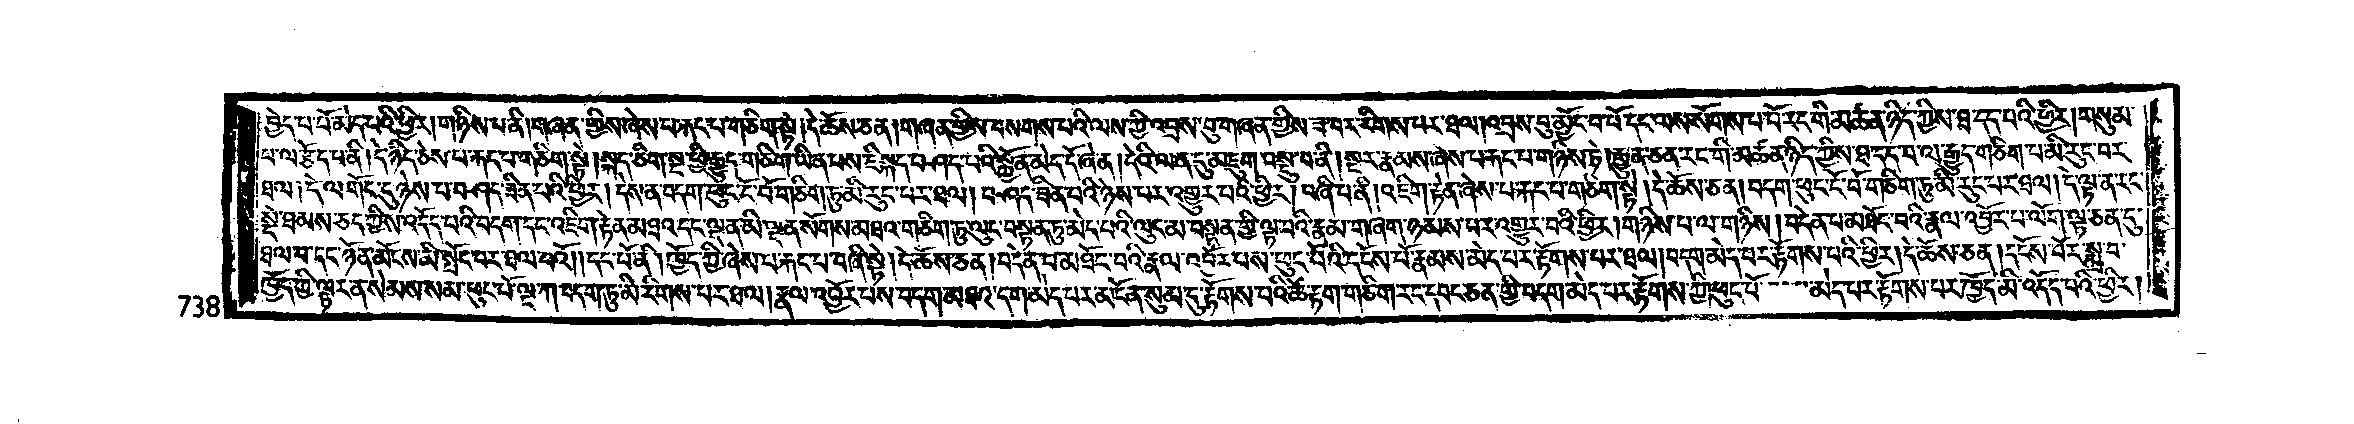བྱེད་པ་པོ་མེད་པའི་ཕྱིར། གཉིས་པ་ནི། གཞན་གྱིས་ཞེས་པ་རྐང་པ་གཅིག་སྟེ། དེ་ཆོས་ཅན། གཞན་གྱིས་བསགས་པའི་ལས་ཀྱི་འབྲས་བུ་གཞན་གྱིས་ཟ་བར་རིགས་པར་ཐལ། འབྲས་བུ་མྱོང་བ་པོ་དང་ལས་སོགས་པ་པོ་རང་གི་མཚན་ཉིད་ཀྱིས་ཐ་དད་པའི་ཕྱིར། གསུམ་
པ་ལ་རྩོད་པ་ནི། དེ་ཉིད་ཅེས་པ་རྐང་པ་གཅིག་སྟེ། སྐད་ཅིག་སྔ་ཕྱི་རྒྱུད་གཅིག་ཡིན་པས་ཇི་སྐད་བཤད་པའི་སྐྱོན་མེད་དོ་ཞེ་ན། དེའི་ལན་དུ་མཇུག་བསྡུ་བ་ནི། སྔར་རྣམས་ཞེས་པ་རྐང་པ་གཉིས་ཏེ། རྒྱུན་ཅན་རང་གི་མཚན་ཉིད་ཀྱིས་ཐ་དད་པ་ལ་རྒྱུད་གཅིག་པ་མི་རུང་བར་
ཐལ༑ དེ་ལ་གོང་དུ་ཉེས་པ་བཤད་ཟིན་པའི་ཕྱིར། དེས་ན་བདག་ཕུང་ངོ་བོ་གཅིག་ཏུ་མི་རུང་པར་ཐལ། བཤད་ཟིན་པའི་ཉེས་པར་འགྱུར་པའི་ཕྱིར། བཞི་པ་ནི། འཇིག་རྟེན་ཞེས་པ་རྐང་པ་གཅིག་སྟེ། དེ་ཆོས་ཅན། བདག་ཕུང་ངོ་བོ་གཅིག་ཏུ་མི་རུང་པར་ཐལ། དེ་ལྟ་ན་རང་
སྡེ་ཐམས་ཅད་ཀྱིས་འདོད་པའི་བདག་དང་འཇིག་རྟེན་མཐའ་དང་ལྡན་མི་ལྡན་སོགས་མཐའ་གཅིག་ཏུ་ལུང་བསྟན་ཏུ་མེད་པའི་ལུང་མ་བསྟན་གྱི་ལྟ་བའི་རྣམ་གཞག་ཉམས་པར་འགྱུར་བའི་ཕྱིར། གཉིས་པ་ལ་གཉིས། བདེན་པ་མཐོང་བའི་རྣལ་འབྱོར་པ་ལོག་ལྟ་ཅན་དུ་
ཐལ་བ་དང་ཉོན་མོངས་མི་སྤོང་བར་ཐལ་བའོ། །དང་པོ་ནི། ཁྱོད་ཀྱི་ཞེས་པ་རྐང་པ་བཞི་སྟེ། དེ་ཆོས་ཅན། བདེན་པ་མཐོང་བའི་རྣལ་འབྱོར་པས་ཕུང་པོའི་དངོས་པོ་རྣམས་མེད་པར་རྟོགས་པར་ཐལ། བདག་མེད་པར་རྟོགས་པའི་ཕྱིར། དེ་ཆོས་ཅན། དངོས་པོར་སྨྲ་བ་
ཁྱོད་ཀྱི་ལྟར་ན་སེམས་སམ་ཕུང་པོ་ལྔ་ཀ་བདག་ཏུ་མི་རིགས་པར་ཐལ། རྣལ་འབྱོར་པས་བདག་མཐའ་དག་མེད་པར་མངོན་སུམ་དུ་རྟོགས་པའི་ཚེ་རྟག་གཅིག་རང་དབང་ཅན་གྱི་བདག་མེད་པར་རྟོགས་ཀྱི་ཕུང་པོ་མེད་པར་རྟོགས་པར་ཁྱོད་མི་འདོད་པའི་ཕྱིར།